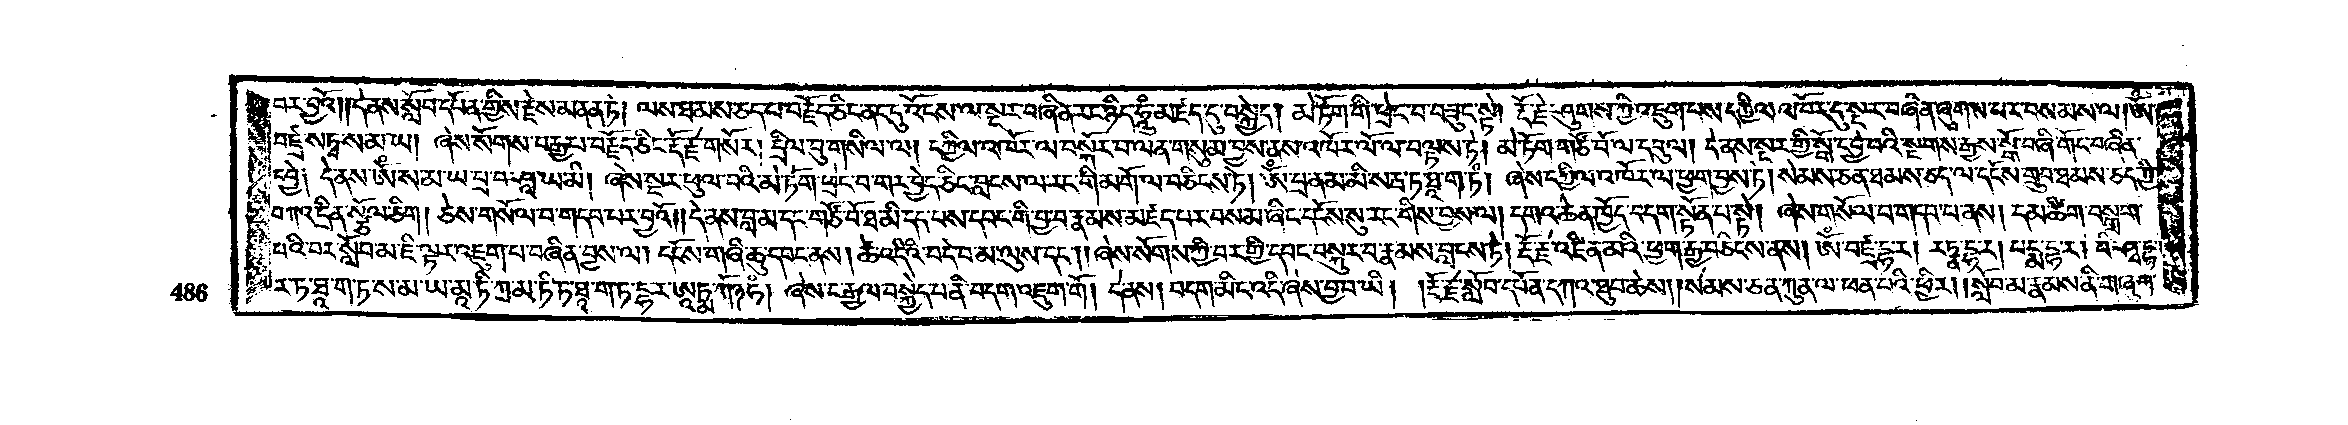བར་བྱའོ། །དེ་ནས་སློབ་དཔོན་གྱིས་རྗེས་མནན་ཏེ། ལས་ཐམས་ཅད་པ་བརྗོད་ཅིང་ནང་དུ་འོངས་ལ་སྔར་བཞིན་རང་ཉིད་ཧཱུཾ་མཛད་དུ་བསྐྱེད། མེ་ཏོག་གི་ཕྲེང་བ་བཟུང་སྟེ། རྡོ་རྗེ་ཤུགས་ཀྱི་འཇུག་པས་དཀྱིལ་འཁོར་དུ་སྔར་བཞིན་ཞུགས་པར་བསམས་ལ། ཨོཾ་
བཛྲ་སཏྭ་ས་མ་ཡ། ཞེས་སོགས་བརྒྱ་པ་བརྗོད་ཅིང་རྡོ་རྗེ་གསོར། དྲིལ་བུ་གསིལ་ལ། དཀྱིལ་འཁོར་ལ་བསྐོར་བ་ལན་གསུམ་བྱས་ནས་འཁོར་ལོ་ལ་བལྟས་ཏེ། མེ་ཏོག་གཙོ་བོ་ལ་དབུལ། དེ་ནས་སྔར་གྱི་སྒོ་དབྱེ་བའི་སྔགས་རྒྱས་སྒོ་བཞི་གོང་བཞིན་
དབྱེ། དེ་ནས་ཨོཾ་ས་མ་ཡ་པྲ་བ་ཤཱ་ཡ་མི། ཞེས་སྔར་ཕུལ་བའི་མེ་ཏོག་ཕྲེང་བ་གར་བྱེད་ཅིང་བླངས་ལ་རང་གི་མགོ་ལ་བཅིངས་ཏེ། ཨོཾ་པྲ་ན་མ་མི་སརྦ་ཏ་ཐཱ་ག་ཏཾ། ཞེས་དཀྱིལ་འཁོར་ལ་ཕྱག་བྱས་ཏེ། སེམས་ཅན་ཐམས་ཅད་ལ་དངོས་གྲུབ་ཐམས་ཅད་ཀྱི་
བཀའ་དྲིན་སྩོལ་ཅིག །ཅེས་གསོལ་བ་གདབ་པར་བྱའོ། །དེ་ནས་བླ་མ་དང་གཙོ་བོ་ཐ་མི་དད་པས་དབང་གི་བྱ་བ་རྣམས་མཛད་པར་བསམ་ཞིང་དངོས་སུ་རང་གིས་བྱས་ལ། དགའ་ཆེན་ཁྱོད་བདག་སྟོན་པ་སྟེ། ཞེས་གསོལ་བ་གདབ་པ་ནས། དམ་ཚིག་བསྒྲག་
པའི་བར་སློབ་མ་ཇི་ལྟར་འཇུག་པ་བཞིན་བྱས་ལ། དངོས་གཞི་ཆུ་དབང་ནས། ཚེ་འདིའི་བདེ་བ་མ་ལུས་དང་། །ཞེས་སོགས་ཀྱི་བར་གྱི་དབང་བསྐུར་བ་རྣམས་བླངས་ཏེ། རྡོ་རྗེ་འཛིན་མའི་ཕྱག་རྒྱ་བཅིངས་ནས། ཨོཾ་བཛྲ་དྷ་ར། རཏྣ་དྷ་ར། པདམ་དྷ་ར། བི་ཤྭ་དྷ་
ར་ཏ་ཐཱ་ག་ཏ་ས་མ་ཡ་མཱ་ཏི་ཀྲ་མ་ཏི་ཏ་ཐཱ་ག་ཏ་དྷ་ར་ཨཱ་ཏྨ་ཀོཉ་ཧཾ། ཞེས་ང་རྒྱལ་བསྐྱེད་པ་ནི་བདག་འཇུག་གོ །དེ་ནས། བདག་མིང་འདི་ཞེས་བྱ་བ་ཡི། །རྡོ་རྗེ་སློབ་དཔོན་དཀའ་ཐུབ་ཆེས། །སེམས་ཅན་ཀུན་ལ་ཕན་པའི་ཕྱིར། །སློབ་མ་རྣམས་ནི་གཞུག་